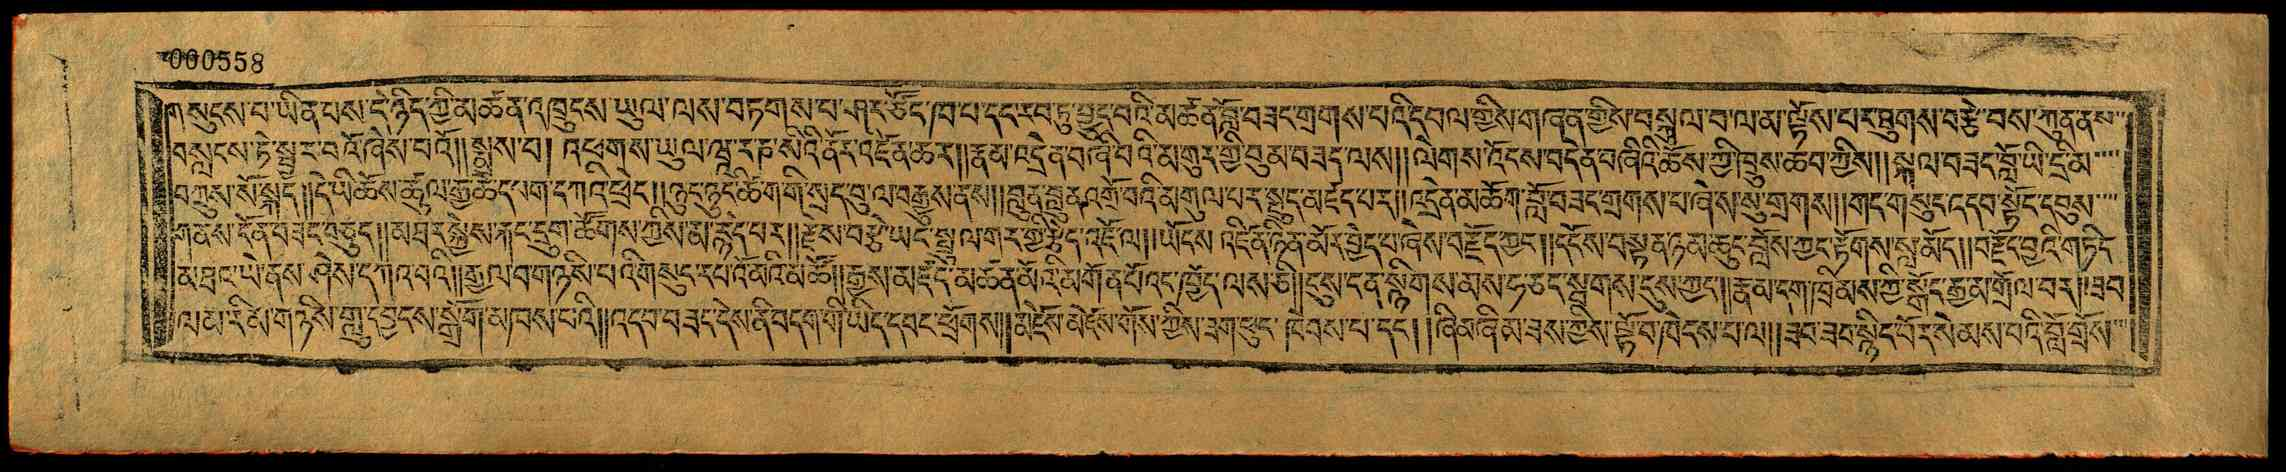གསུངས་པ་ཡིན་པས་དེ་ཉིད་ཀྱི་མཚན་འཁྲུངས་ཡུལ་ལས་བཏགས་པ་ཤར་ཙོང་ཁ་པ་དང་རབ་ཏུ་བྱུང་བའི་མཚན་བློ་བཟང་གྲགས་པའི་དཔལ་གྱིས་གཞན་གྱིས་བསྐུལ་བ་ལ་མ་ལྟོས་པར་ཐུགས་བརྩེ་བས་ཀུན་ནས་
བསླངས་ཏེ་སྦྱར་བའོ་ཞེས་པའོ། །སྨྲས་པ། འཕགས་ཡུལ་ཝ་ར་ཎ་སིའི་ནོར་འཛིན་ཆར། །རྣམ་འདྲེན་བཞི་པའི་མགུར་གྱི་བུམ་བཟང་ལས། །ལེགས་འོངས་བདེན་བཞིའི་ཆོས་ཀྱི་ཁྲུས་ཆབ་ཀྱིས། །སྐལ་བཟང་བློ་ཡི་དྲི་མ་
བཀྲུས་སོ་སྐད། དེ་ཡི་ཆོས་ཚུལ་རྒྱུ་ཆ་དཔག་དཀའི་ཕྲེང་། །ཉུང་ཉུང་ཚིག་གི་སྲད་བུ་ལ་བརྒྱུས་ནས། །བླུན་བླུན་འགྲོ་བའི་མགུལ་པར་སྤུད་མཛད་པར། །འདྲེན་མཆོག་བློ་བཟང་གྲགས་པ་ཞེས་སུ་གྲགས། །གང་གསུང་འདབ་སྟོང་དབུས་
གནས་དོན་བཟང་བཅུད། །མཐར་སྐྱེས་རྐང་དྲུག་ཚོགས་ཀྱིས་མ་རྙེད་པར། །རྗེས་བརྩེ་ཡང་སྤྲུལ་གར་གྱི་རྩེད་འཇོ་ལ། །ཡོངས་འཛིན་ཉིན་མོར་བྱེད་པ་ཞེས་བརྗོད་ཀྱང་། །དངོས་བསྟན་ཉམ་ཆུང་བློས་ཀྱང་རྟོགས་སླ་མདོ། །བརྗོད་བྱའི་གཏིང་
མཐའ་ཡེ་ནས་ཤེས་དཀའ་བའི། །རྒྱལ་བ་གཉིས་པའི་གསུང་རབ་འོ་མའི་མཚོ། །རྒྱས་མཛད་མཚན་མའི་མགོན་པོ་འང་ཁྱོད་ལས་ཅི། །དུས་ངན་སྙིགས་མས་ཧ་ཅང་སྦགས་དུས་ཀྱང་། །རྣམ་དག་ཁྲིམས་ཀྱི་སྒོང་རྒྱ་མ་གྲོལ་བར། །ཟབ་
ལམ་རིམ་གཉིས་གླུ་དབྱངས་སྒྲོག་མཁས་པའི། །འདབ་བཟང་དེས་ནི་བདག་གི་ཡིད་རབ་འཕྲོགས། །མཛེས་མཛེས་གོས་ཀྱིས་ཟག་ཕུང་ཁབས་པ་དང་། །ཞིམ་ཞིམ་ཟས་ཀྱིས་ལྟོ་བ་ཁེངས་པ་ལ། །ཟབ་ཟབ་སྙིང་པོར་སེམས་པའི་བློ་གྲོས་